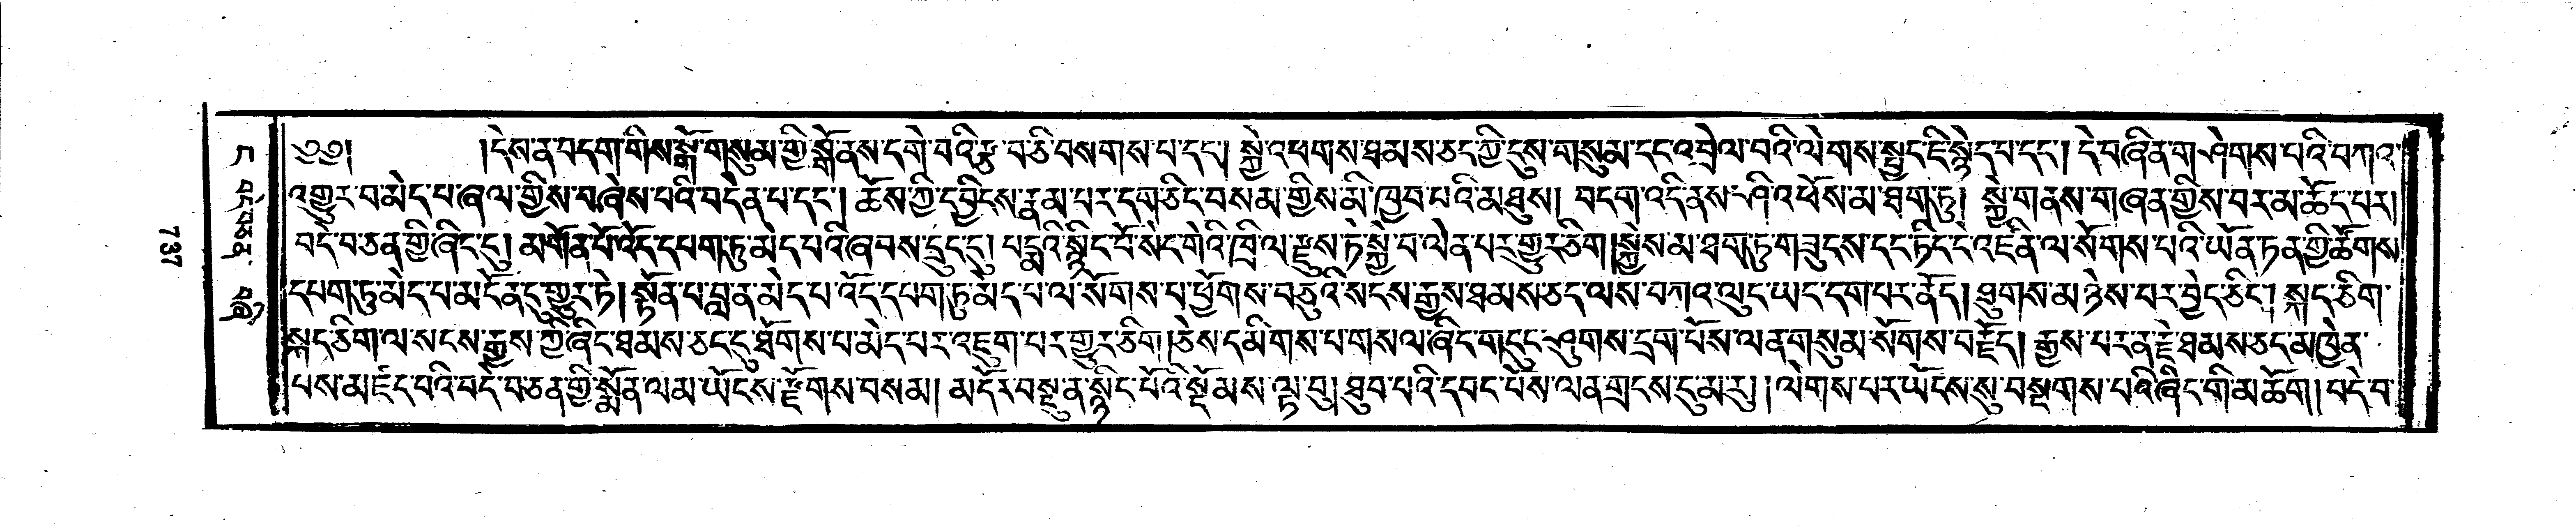༄༅། །དེས་ན་བདག་གིས་སྒོ་གསུམ་གྱི་སྒོ་ནས་དགེ་བའི་རྩ་བ་ཅི་བསགས་པ་དང་། སྐྱེ་འཕགས་ཐམས་ཅད་ཀྱི་དུས་གསུམ་དང་འབྲེལ་བའི་ལེགས་སྤྱད་ཇི་སྙེད་པ་དང་། དེ་བཞིན་གཤེགས་པའི་བཀའ་
འགྱུར་བ་མེད་པ་ཞལ་གྱིས་བཞེས་པའི་བདེན་པ་དང་། ཆོས་ཀྱི་དབྱིངས་རྣམ་པར་དག་ཅིང་བསམ་གྱིས་མི་ཁྱབ་པའི་མཐུས། བདག་འདི་ནས་ཤི་འཕོས་མ་ཐག་ཏུ། སྐྱེ་གནས་གཞན་གྱིས་བར་མ་ཆོད་པར།
བདེ་བ་ཅན་གྱི་ཞིང་དུ། མགོན་པོ་འོད་དཔག་ཏུ་མེད་པའི་ཞབས་དྲུང་དུ། པདམའི་སྙིང་པོ་སེང་གེའི་ཁྲི་ལ་རྫུས་ཏེ་སྐྱེ་བ་ལེན་པར་གྱུར་ཅིག །སྐྱེས་མ་ཐག་ཏུ་གཟུངས་དང་ཏིང་ངེ་འཛིན་ལ་སོགས་པའི་ཡོན་ཏན་གྱི་ཚོགས་
དཔག་ཏུ་མེད་པ་མངོན་དུ་གྱུར་ཏེ། སྟོན་པ་བླ་ན་མེད་པ་འོད་དཔག་ཏུ་མེད་པ་ལ་སོགས་པ་ཕྱོགས་བཅུའི་སངས་རྒྱས་ཐམས་ཅད་ལས་བཀའ་ལུང་ཡང་དག་པར་ནོད། ཐུགས་མཉེས་པར་བྱེད་ཅིང་། སྐད་ཅིག་
སྐད་ཅིག་ལ་སངས་རྒྱས་ཀྱི་ཞིང་ཐམས་ཅད་དུ་ཐོགས་པ་མེད་པར་འཇུག་པར་གྱུར་ཅིག །ཅེས་དམིགས་པ་གསལ་ཞིང་གདུང་ཤུགས་དྲག་པོས་ལན་གསུམ་སོགས་བརྗོད། རྒྱས་པར་ན་རྗེ་ཐམས་ཅད་མཁྱེན་
པས་མཛད་པའི་བདེ་བ་ཅན་གྱི་སྨོན་ལམ་ཡོངས་རྫོགས་བསམ། མདོར་བསྡུ་ན་སྙིང་པོའི་སྡོམས་ལྟ་བུ། ཐུབ་པའི་དབང་པོས་ལན་གྲངས་དུ་མ་རུ། ལེགས་པར་ཡོངས་སུ་བསྔགས་པའི་ཞིང་གི་མཆོག །བདེ་བ་